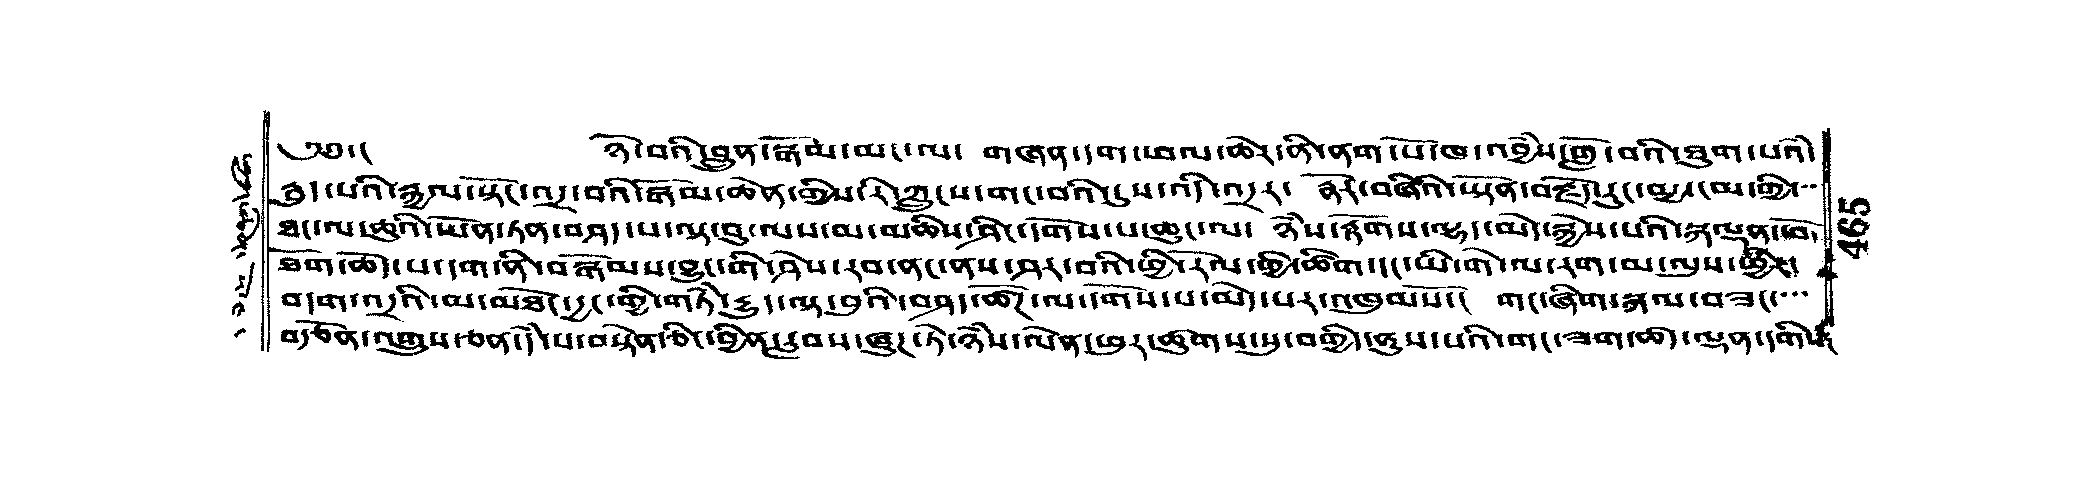ཉོ་བའི་བླུན་སྒོམ་མང་ལ། གཞན་དག་ཕལ་ཆེར་ནི་ནག་པོ་ཁ་འབྱམས་གློ་བའི་ཐུག་པའམ་
རྦུད་པའི་རྐྱལ་སྟོང་འདྲ་བའི་སྒོམ་ཆེན་གྱིས་རི་ཀླུངས་གང་བའི་དུས་འདི་འདྲར། རྣལ་འབྱོར་བཞིའི་ཡོན་ཏན་བརྗོད་རུང་མྱ་ངམ་གྱི་
ཐང་ལ་ཆུའི་ཡོན་ཏན་བཤད་པ་ལྟ་བུ་ལས་མ་མཆིས་ཤིང་དགོས་པ་ཆུང་ལ།ཉམས་རྟོགས་ལྷད་མེད་སྐྱེས་པའི་སྐལ་ལྡན་ཁོ་
ཐག་ཆོད་པ་དག་ནི་བསྒོམས་བྱུང་གི་ཤེས་རབ་ནང་ནས་ཤར་བའི་ཕྱི་རོལ་གྱི་ཚིག་དང་ཡི་གེ་ལ་རག་མ་ལུས་ཕྱིར་
བདག་འདྲའི་མ་མཐོང་རྒྱང་གི་གཏམ་རྒྱུད་ལྟ་བུའི་བཤད་ཚོགས་ལ་དགོས་པ་མེད་པར་འཁུམས་སོ། གང་ཞིག་སྐལ་བཟང་
བརྩོན་འགྲུས་ཅན་དམ་པ་བསྟེན་ཅིང་བྱིན་རླབས་ཞུགས་ཏེ་ཉམས་ལེན་ཕུར་ཚུགས་སུ་བགྱིད་ནུས་པའི་གང་ཟག་ཚད་ལྡན་དག་གིས་